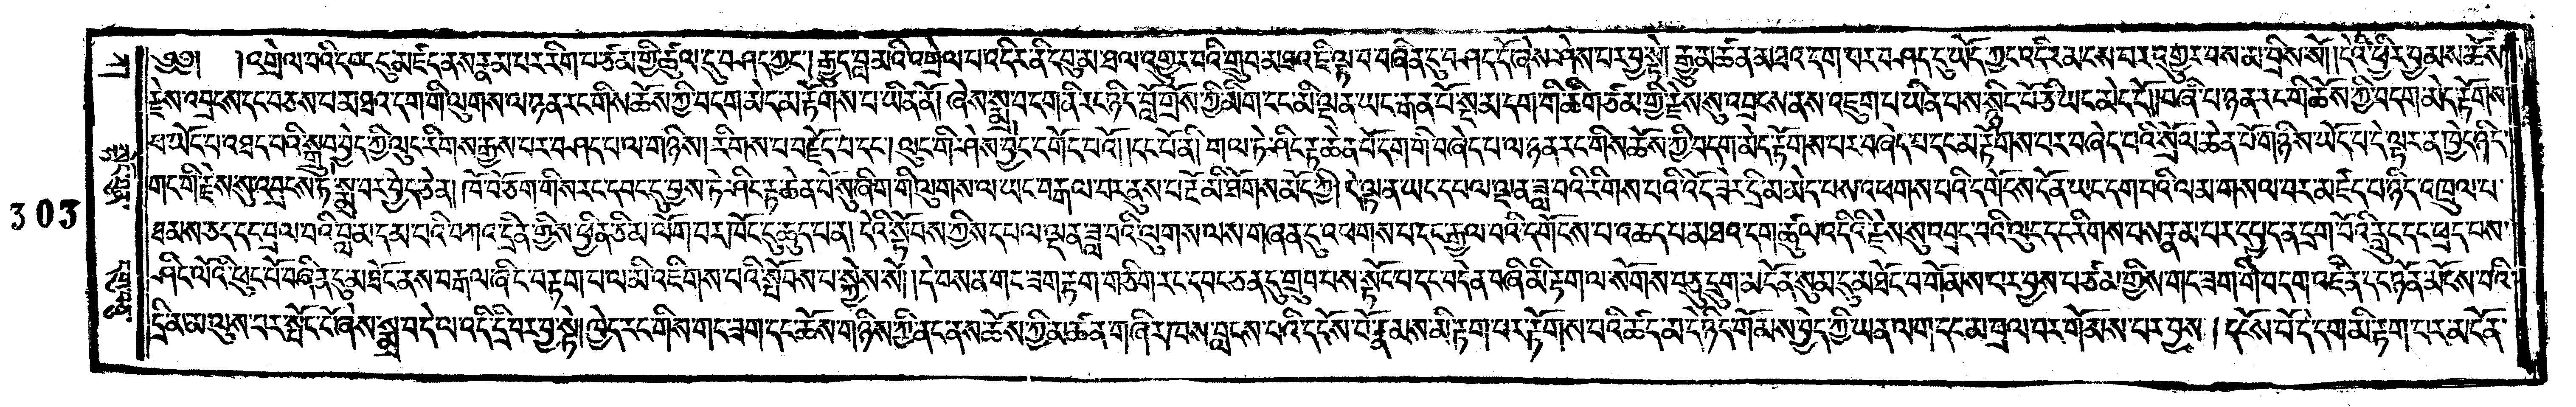༄༅། །འགྲེལ་བའི་དབང་དུ་མཛད་ནས་རྣམ་པར་རིག་པ་ཙམ་གྱི་ཚུལ་དུ་བཤད་ཀྱང་། རྒྱུད་བླ་མའི་འགྲེལ་བ་འདིར་ནི་དབུ་མ་ཐལ་འགྱུར་བའི་གྲུབ་མཐའ་ཇི་ལྟ་བ་བཞིན་དུ་བཤད་དོ་ཞེས་ཤེས་པར་བྱ་སྟེ། རྒྱུ་མཚན་མཐའ་དག་པར་བཤད་དུ་ཡོད་ཀྱང་འདིར་མངས་བར་འགྱུར་བས་མ་བྲིས་སོ། །དེའི་ཕྱིར་བྱམས་ཆོས་
རྗེས་འབྲངས་དང་བཅས་པ་མཐའ་དག་གི་ལུགས་ལ་ཉན་རང་གིས་ཆོས་ཀྱི་བདག་མེད་མ་རྟོགས་པ་ཡིན་ནོ། ཞེས་སྨྲ་བ་དག་ནི་རང་ཉིད་བློ་གྲོས་ཀྱི་མིག་དང་མི་ལྡན་ཡང་རྒན་པོ་སྔ་མ་དག་གི་ཚིག་ཙམ་གྱི་རྗེས་སུ་འབྲངས་ནས་འཇུག་པ་ཡིན་པས་སྙིང་པོ་ཅི་ཡང་མེད་དོ། །བཞི་པ་ཉན་རང་གི་ཆོས་ཀྱི་བདག་མེད་རྟོགས་
པ་ཡོད་པ་འཐད་པའི་སྒྲུབ་བྱེད་ཀྱི་ལུང་རིགས་རྒྱས་པར་བཤད་པ་ལ་གཉིས། རིགས་པ་བརྗོད་པ་དང་། ལུང་གི་ཤེས་བྱེད་དགོད་པའོ། །དང་པོ་ནི། གལ་ཏེ་ཤིང་རྟ་ཆེན་པོ་དག་གི་བཞེད་པ་ལ་ཉན་རང་གིས་ཆོས་ཀྱི་བདག་མེད་རྟོགས་པར་བཞེད་པ་དང་མ་རྟོགས་པར་བཞེད་པའི་སྲོལ་ཆེན་པོ་གཉིས་ཡོད་པ་དེ་ལྟར་ན་ཁྱེད་ཉིད་
གང་གི་རྗེས་སུ་འབྲངས་ཏེ་སྨྲ་བར་བྱེད་ཅེ་ན། ཁོ་བོ་ཅག་གིས་རང་དབང་དུ་བྱས་ཏེ་ཤིང་རྟ་ཆེན་པོ་སུ་ཞིག་གི་ལུགས་ལ་ཡང་བརྒལ་བར་ནུས་པ་རྔོ་མི་ཐོགས་མོད་ཀྱི། དེ་ལྟ་ན་ཡང་དཔལ་ལྡན་ཟླ་བའི་རིགས་པའི་འོད་ཟེར་དྲི་མ་མེད་པར་འཕགས་པའི་དགོངས་དོན་ཡང་དག་པའི་ལམ་གསལ་བར་མཛད་པ་ཉིད་འཁྲུལ་པ་
ཐམས་ཅད་དང་བྲལ་བའི་བླ་མ་དམ་པའི་བཀའ་དྲིན་གྱིས་ཕྱིན་ཅི་མ་ལོག་བར་ཁོང་དུ་ཆུད་པ་ན། དེའི་སྟོབས་ཀྱིས་དཔལ་ལྡན་ཟླ་བའི་ལུགས་ལས་གཞན་དུ་འཕགས་པ་དང་རྒྱལ་བའི་དགོངས་པ་འཆད་པ་མཐའ་དག་ཚུལ་འདིའི་རྗེས་སུ་འབྲང་བའི་ལུང་དང་རིགས་པས་རྣམ་པར་དཔྱད་ན་དྲག་པོའི་རླུང་དང་ཕྲད་བས་
ཤིང་ལོའི་ཕུང་པོ་བཞིན་དུ་མཐོང་ནས་བརྒལ་ཞིང་བརྟག་པ་ལ་མི་འཇིགས་པའི་སྤོབས་པ་སྐྱེས་སོ། །དེ་བས་ན་གང་ཟག་རྟག་གཅིག་རང་དབང་ཅན་དུ་གྲུབ་པས་སྟོང་པ་དང་བདེན་བཞི་མི་རྟག་ལ་སོགས་བཅུ་དྲུག་མངོན་སུམ་དུ་མཐོང་བ་གོམས་པར་བྱས་པ་ཙམ་གྱིས་གང་ཟག་གི་བདག་འཛིན་དང་ཉོན་མོངས་བའི་
དྲི་མ་མ་ལུས་པར་སྤོང་ངོ་ཞེས་སྨྲ་བ་དེ་ལ་འདི་དྲི་བར་བྱ་སྟེ། ཁྱེད་རང་གིས་གང་ཟག་དང་ཆོས་གཉིས་ཀྱི་ནང་ནས་ཆོས་ཀྱི་མཚན་གཞིར་ཁས་བླངས་པའི་དངོས་པོ་རྣམས་མི་རྟག་པར་རྟོགས་པའི་ཚད་མ་དེ་ཉིད་གོམས་བྱེད་ཀྱི་ཡན་ལག་དང་མ་བྲལ་བར་གོམས་པར་བྱེས་པ་དངོས་པོ་དེ་དག་མི་རྟག་པར་མངོན་